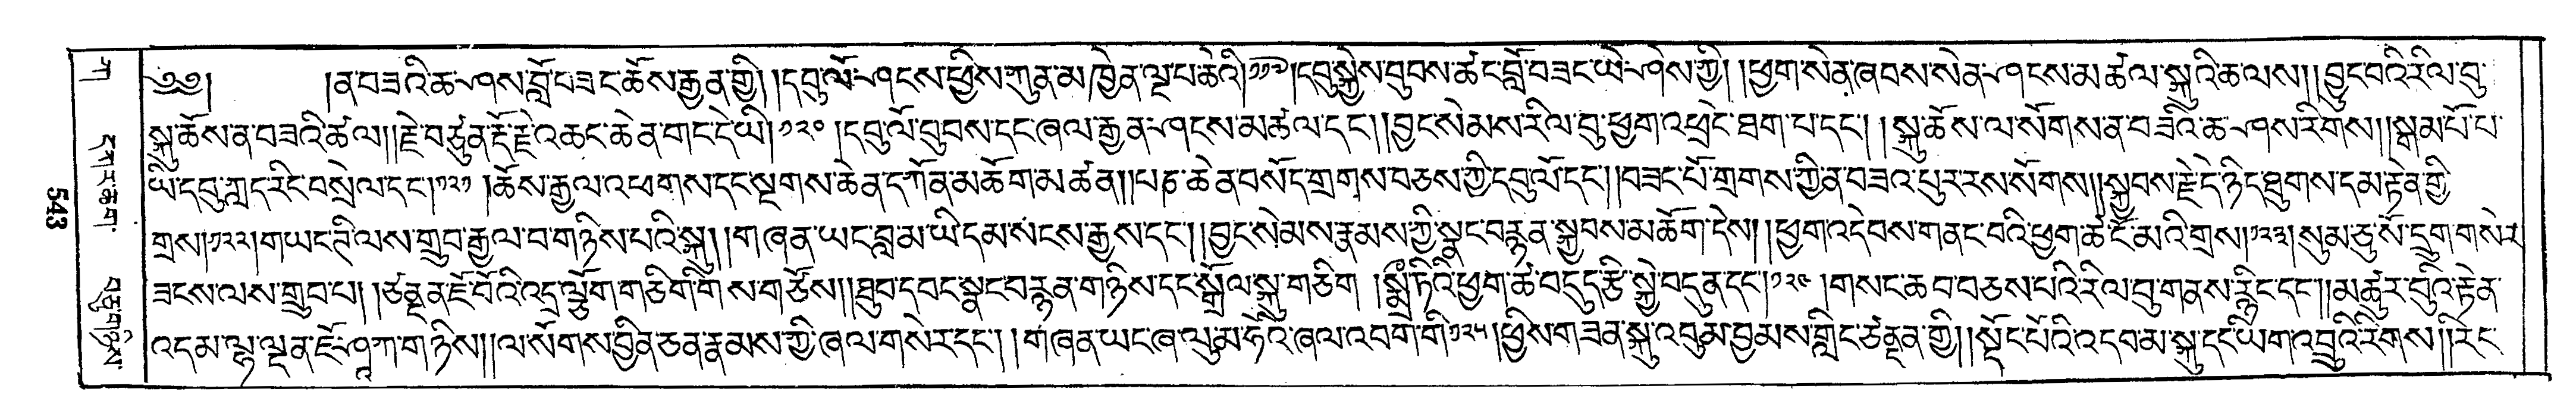༄༅། །ན་བཟའི་ཆ་ཤས་བློ་བཟང་ཆོས་རྒྱན་གྱི། །དབུ་ལོ་ཤངས་ཕྱིས་ཀུན་མཁྱེན་ལྔ་པ་ཆེའི། ༡༡༧་།དབུ་སྐྱེས་བུབས་ཚང་བློ་བཟང་ཡེ་ཤེས་ཀྱི། །ཕྱག་སེན་ཞབས་སེན་ཤངས་མཚལ་སྐུའི་ཆ་ལས། །བྱུང་བའི་རིལ་བུ་
སྐུ་ཆོས་ན་བཟའི་ཚལ། །རྗེ་བཙུན་རྡོ་རྗེ་འཆང་ཆེན་གང་དེ་ཡི། ༡༢༠་།དབུ་ལོ་བུབས་དང་ཞལ་རྒྱན་ཤངས་མཚལ་དང་། །བྱང་སེམས་རིལ་བུ་ཕྱག་འཕྲེང་ཐག་པ་དང་། །སྐུ་ཆོས་ལ་སོགས་ན་བཟའི་ཆ་ཤས་རིགས། །སྒམ་པོ་པ་
ཡི་དབུ་ཀླད་རིང་བ་སྲེལ་དང་། ༡༢༡་།ཆོས་རྒྱལ་འཕགས་དང་སྔགས་ཆེན་དཀོན་མཆོག་མཚན། །པཎ་ཆེན་བསོད་གྲགས་བཅས་ཀྱི་དབུ་ལོ་དང་། །བཟང་པོ་གྲགས་ཀྱི་ན་བཟའ་པུར་རས་སོགས། །སྐྱབས་རྗེ་དེ་ཉིད་ཐུགས་དམ་རྟེན་གྱི་
གྲས། ༡༢༢་།གཡང་ཊི་ལས་གྲུབ་རྒྱལ་བ་གཉིས་པའི་སྐུ། །གཞན་ཡང་བླ་མ་ཡི་དམ་སངས་རྒྱས་དང་། །བྱང་སེམས་རྣམས་ཀྱི་སྣང་བརྙན་སྐྱབས་མཆོག་དེས། །ཕྱག་འདེབས་གནང་བའི་ཕྱག་ཚ་ངོ་མའི་གྲས། ༡༢༣། སུམ་ཅུ་སོ་དྲུག་གསེར་
ཟངས་ལས་གྲུབ་པ། །ཙནྡན་ཇོ་བོའི་འདྲ་ལྕོག་གཅིག་གིས་གཙོས། །ཐུབ་དབང་སྣང་བརྙན་གཉིས་དང་སྒྲོལ་སྐུ་གཅིག །སྨྲྀ་ཏའི་ཕྱག་ཚ་བདུད་རྩི་སྐྱེ་བདུན་དང་། ༡༢༤་།གསང་ཆབ་བཅས་པའི་རིལ་བུ་གནས་རྙིང་དང་། །མཚུར་བུའི་རྟེན་
འདམ་ལྷ་ལྡན་ཇོ་ཤཱཀ་གཉིས། །ལ་སོགས་བྱིན་ཅན་རྣམས་ཀྱི་ཞལ་གསེར་དང་། །གཞན་ཡང་ཞ་ལུ་མ་ཧེའི་ཞལ་འབག་གི ༡༢༥་།ཕྱིས་གཟན་སྐུ་འབུམ་བྱམས་གླིང་ཙནྡན་གྱི། །སྡོང་པོའི་འདབ་མ་སྐུ་དང་ཡིག་འབྲུའི་རིགས། །རང་